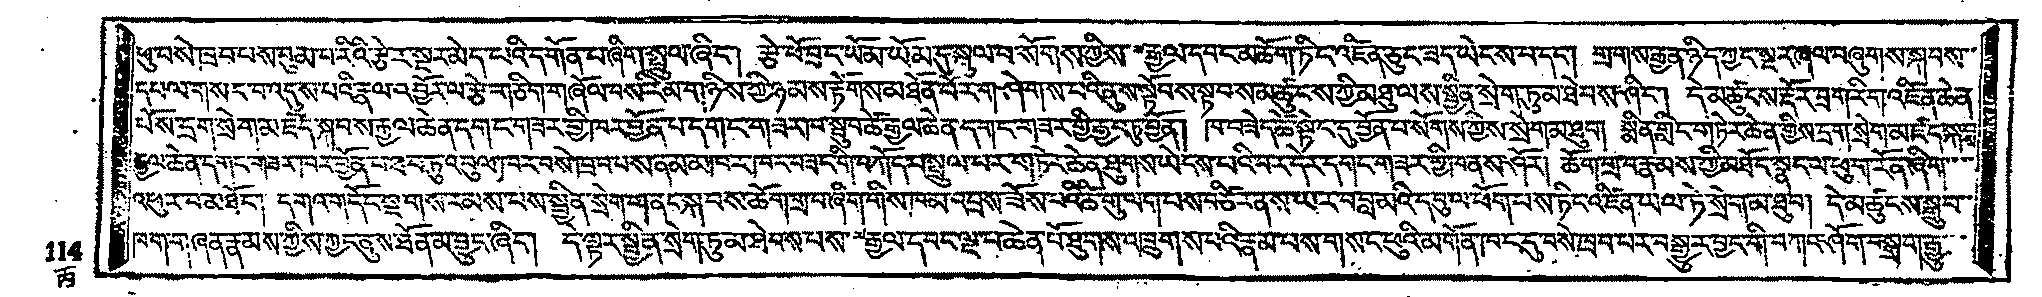ཕུ་བསེ་ཁྲབ་པས་བུམ་པ་རིའི་རྩེར་སྔར་མེད་པའི་དགོན་པ་ཞིག་སྤྲུལ་ཞིང་། རྩེ་ཕོ་བྲང་ཡོམ་ཡོམ་དུ་སྤྲུལ་བ་སོགས་ཀྱིས་༧རྒྱལ་དབང་མཆོག་ཏིང་འཛིན་ཅུང་ཟད་ཡེངས་པ་དང་། གྲགས་རྒྱན་ཉིད་ཀྱང་སྔར་ཞལ་བཞུགས་སྐབས་
དཔལ་གསང་བ་འདུས་པའི་རྣལ་འབྱོར་ལ་རྩེ་གཅིག་གཞོལ་བས་རིམ་གཉིས་ཀྱི་ཉམས་རྟོགས་མཐོན་པོར་གཤེགས་པའི་ནུས་སྟོབས་སྟབས་མཚུངས་ཀྱི་མཐུ་ལས་སྦྱིན་སྲེག་ཏུ་མ་ཐེབས་ཤིང་། དེ་མཚུངས་རྡོར་བྲག་རིག་འཛིན་ཆེན་
པོས་དྲག་སྲེག་མཛད་སྐབས་རྒྱལ་ཆེན་དགང་གཟར་གྱི་ཁར་བྱོན་པ་དགང་གཟར་ཁ་སྦུབ་ཚེ་རྒྱལ་ཆེན་དགང་གཟར་གྱི་རྒྱབ་ཏུ་བྱོན། ཁ་བཟེད་ཚེ་སྟེང་དུ་བྱོན་པ་སོགས་ཀྱིས་སྲེག་མ་ཐུབ། སྨིན་གླིང་གཏེར་ཆེན་གྱིས་དྲག་སྲེག་མཛད་སྐབས་
རྒྱལ་ཆེན་དགང་གཟར་ཁར་བྱོན་པ་ཐབ་ཏུ་འབུལ་ཁར་བསེ་ཁྲབ་པས་ནམ་མཁར་ཁང་བཟང་གི་བཀོད་པ་སྤྲུལ་པར་གཏེར་ཆེན་ཐུགས་ཡེངས་པའི་བར་དེར་དགང་གཟར་གྱི་ཁ་ནས་ཤོར། ཆོ་ག་གྲ་བ་རྣམས་ཀྱི་མཐོང་སྣང་ལ་ཕུག་རོན་ཞིག་
འཕུར་བ་མཐོང་། དགའ་གདོང་སྔགས་རམས་པས་སྦྱིན་སྲེག་གནང་སྐབས་ཆོག་གྲ་བ་ཞིག་གིས་ཁམ་འབྲས་ཟོས་པའི་ཚི་གུ་ལག་པས་བཙིར་ནས་ཡར་བ་བླ་མའི་དབུ་ལ་ཕོག་པས་ཏིང་འཛིན་ཡལ་ཏེ་སྲེག་མ་ཐུབ། དེ་མཚུངས་སྒྲུབ་
ཁག་གཞན་རྣམས་ཀྱིས་ཀྱང་ནུས་ཐོན་མ་བྱུང་ཞིང་། དེ་ལྟར་སྦྱིན་སྲེག་ཏུ་མ་ཐེབས་པས་༧རྒྱལ་དབང་ལྔ་པ་ཆེན་པོ་ཐུགས་འཁྲུགས་པའི་རྣམ་པས་གསང་ཕུའི་མགོན་ཁང་དུ་བསེ་ཁྲབ་པར་བསྒྱུར་བྱང་གི་བཀའ་ཤོག་བསྒྲག་རྒྱུ་